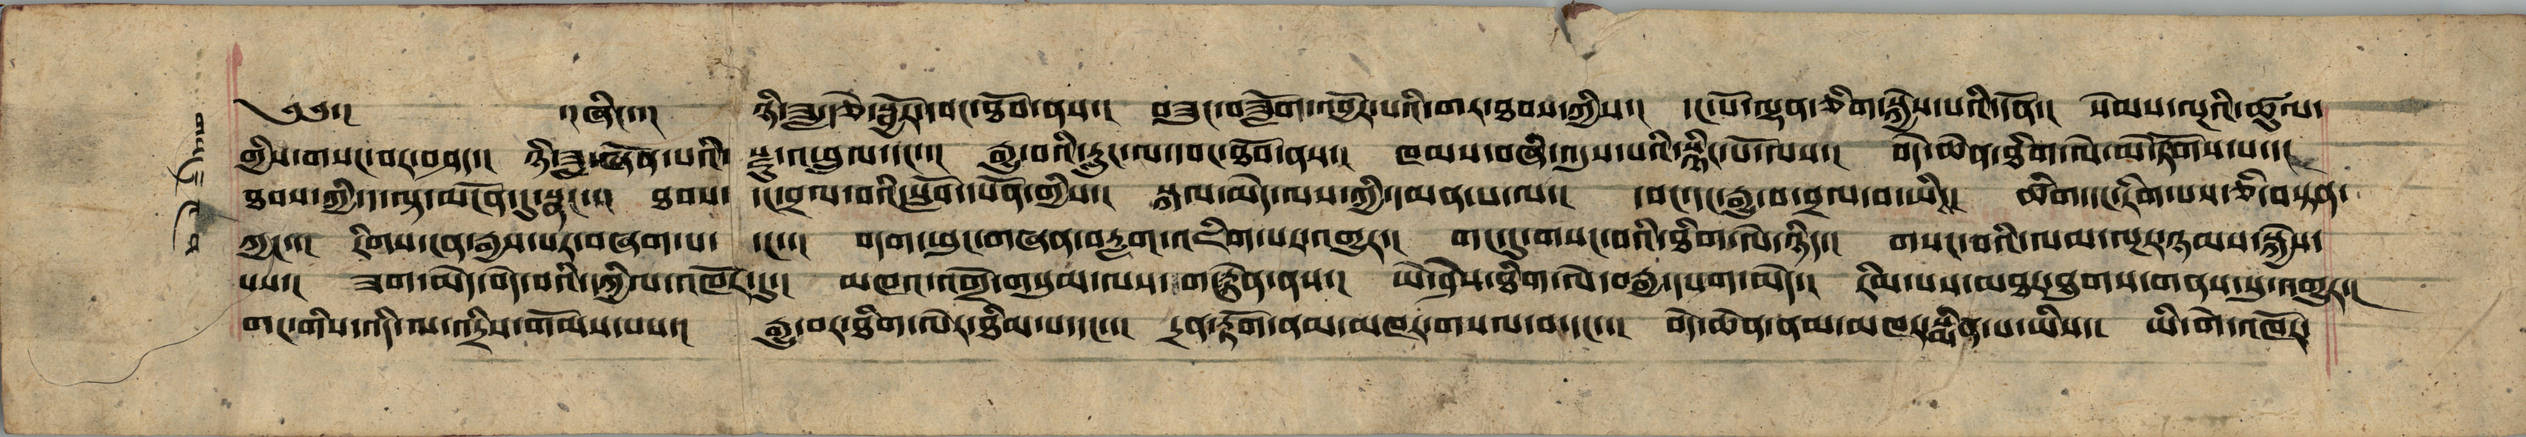༄༅་། ་།ཞིང་་། ཉི་ཟླ་རྩེ་སྦྱོར་དབང་ཐོབ་ནས་། བཟུང་བཟློག་འབྱོར་པའི་གར་ཐབས་ཀྱིས་། དང་པོ་ལྷན་ཅིག་སྐྱེས་པའི་དོན་། སེམས་ལྔའི་ཚུལ་
གྱིས་གསང་བར་བཤད་། ཉི་ཟླ་ཞོན་པའི་ སྫུ་འཕྲུལ་དང་་། རྒྱུ་བའི་རླུང་ལ་དབང་ཐོབ་ནས་། ཁམས་བཞི་འདུས་པའི་སྙིང་པོ་ལས་། བདེ་ཆེན་ཐིག་ལེ་མེ་ཏོགས་པ་་།
ཐབས་ཀྱི་ད་ལྟ་མངོན་དུ་སྣང་་། ཐབས་ དང་བྲལ་བའི་སློབ་དཔོན་གྱིས་། སྐལ་མེད་ལས་ཀྱི་དམན་པ་ལ་། དབང་དང་རྒྱུ་བ་བྲལ་བ་ཡིས་། ཚིག་དང་རིག་པས་ཅི་བསྟན་
ཀྱང་་། རིགས་ངན་རྒྱས་པར་བཞག་པ་། དང་་། བདག་ཕུང་གཞན་བརླག་འཇིག་པར་འགྱུར་། གང་དུ་གསང་བའི་ཐིག་ལེ་ཉིད་། གསང་བའི་ལམ་ལྔར་ཉམས་སྐྱེས་
པས་། ཟག་མེད་བདེ་བའི་དཀྱིལ་འཁོར་དུ་། མཁའ་འགྲོ་གསུམ་ལས་གང་རྟེན་ནས་། ཡེ་ཤེས་ཐིག་ལེ་བརྒྱ་དཔག་མེད་། རིམ་པས་མཐར་ཐུགས་གནས་སུ་འགྱུར་།
གང་གིས་འདི་ལ་འདྲིས་གོམས་པས་། རྒྱུ་བར་ཐིག་ལེར་ཐིམ་པ་དང་་། དྲན་རྟོག་ནམ་མཁར་གསལ་བ་དང་་། བདེ་ཆེན་ནམ་མཁར་སྨིན་པ་ཡིས་། ཡི་གེ་འཁོར་